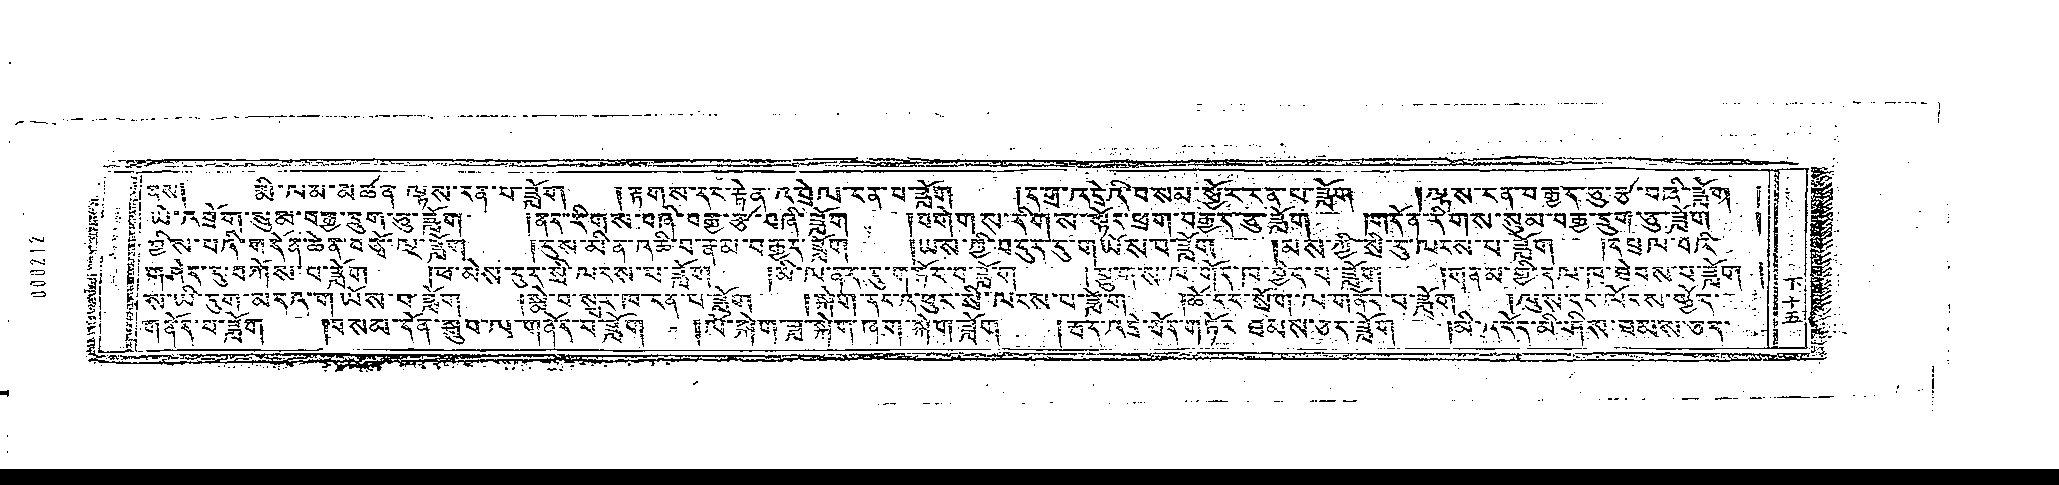ནས། རྨི་ལམ་མཚན་ལྟས་ངན་པ་ཟློག །རྟགས་དང་རྟེན་འབྲེལ་ངན་པ་ཟློག །དགྲ་འདྲེའི་བསམ་སྦྱོར་ངན་པ་ཟློག །ལྟས་ངན་བརྒྱད་ཅུ་རྩ་བཞི་ཟློག །
ཡེ་འབྲོག་སུམ་བརྒྱ་དྲུག་ཅུ་ཟློག །ནད་རིགས་བཞི་བརྒྱ་རྩ་བཞི་ཟློག །བགེག་རིགས་སྟོང་ཕྲག་བརྒྱད་ཅུ་ཟློག །གདོན་རིགས་སུམ་བརྒྱ་དྲུག་ཅུ་ཟློག།
བྱིས་པའི་གདོན་ཆེན་བཅྭོ་ལྔ་ཟློག །དུས་མིན་འཆི་བ་རྣམ་བརྒྱད་ཟློག །ཡས་ཀྱི་བདུད་དུ་གཡོས་པ་ཟློག །མས་ཀྱི་སྲི་རུ་ལངས་པ་ཟློག །དཔྲལ་བའི་
གཤེད་དུ་བཀོས་པ་ཟློག །ཕ་མེས་དུར་སྲི་ལངས་པ་ཟློག །མི་ལ་ནང་དུ་གནོད་བ་ཟློག །ཕྱུགས་ལ་གོང་ཁ་བྱེད་པ་ཟློག །གནམ་གྱི་ངལ་ཁ་ཐེབས་པ་ཟློག །
ས་ཡི་དུག་མངའ་གཡོས་པ་ཟློག །སྨེ་བ་སྤར་ཁ་ངན་པ་ཟློག །སྐེག་དང་འཕུང་སྲི་ལངས་པ་ཟློག །ཚེ་དང་སྲོག་ལ་གནོད་པ་ཟློག །ལུས་དང་ལོངས་སྤྱོད་
གནོད་པ་ཟློག །བསམ་དོན་སྒྲུབ་ལ་གནོད་པ་ཟློག །ལོ་སྐེག་ཟླ་སྐེག་ཞག་སྐེག་ཟློག །རྦད་འདྲེ་རྦོད་གཏོང་ཐམས་ཅད་ཟློག །མི་འདོད་མི་ཤིས་ཐམས་ཅད་